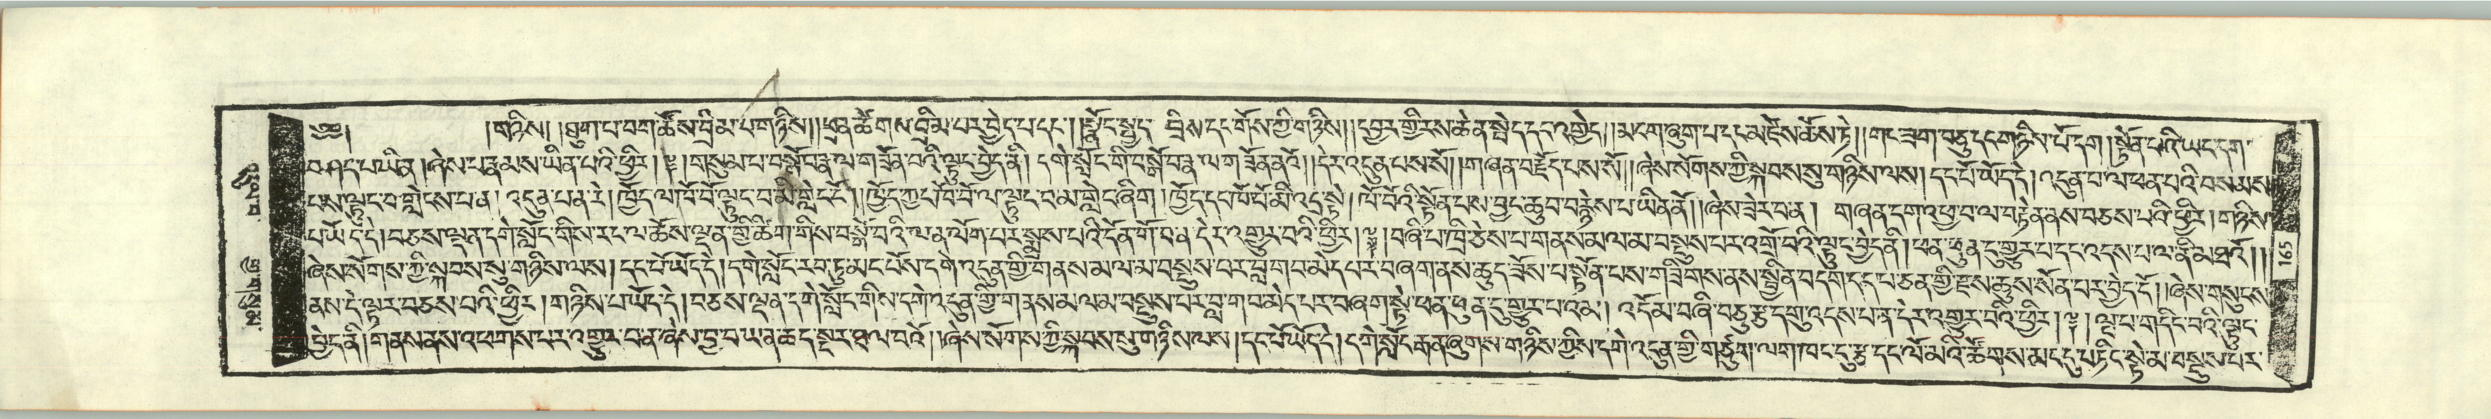༄༅། །གཉིས། །ཐུག་པ་བག་ཚོས་བྲིམ་པ་གཉིས། །ཕྲན་ཚོགས་བྲིམ་པར་བྱེད་པ་དང་། །སྣོད་སྤྱད་བྲིས་དང་གོས་ཀྱི་གཉིས། །དབྱར་གྱི་རས་ཆེན་སྦེད་དང་འགྱེད། །མངག་ཞུག་པ་དང་མཛེས་ཆོས་ཏེ། །གང་ཟག་བཅུ་དང་གཉིས་པོ་དག །སྟོན་པའི་ཡང་དག་
བཤད་པ་ཡིན། ཞེས་པ་རྣམས་ཡིན་པའི་ཕྱིར། ༈ །གསུམ་པ་བསྒོ་བ་རྣ་ལ་གཟོན་པའི་ལྟུང་བྱེད་ནི། དགེ་སློང་གི་བསྒོ་བ་རྣ་ལ་གཟོན་ནའོ། །དེར་འདུན་པས་སོ། །གཞན་བརྗོད་པས་སོ། །ཞེས་སོགས་ཀྱི་སྐབས་སུ་གཉིས་ལས། དང་པོ་ཡོད་དེ། འདུན་པ་ལ་ཕན་པའི་བསམས་
པས་ལྟུང་བ་གླེངས་པ་ན། འདུན་པ་ན་རེ། ཁྱོད་ལ་ཁོ་བོ་ལྟུང་བ་མི་གླེང་ངོ། །ཁྱོད་ཀྱང་ཁོ་བོ་ལ་ལྟུང་བ་མ་གླེང་ཞིག །ཁྱོད་དང་ཁོ་བོ་མི་འདྲ་སྟེ། ཁོ་བོའི་སྟོན་པས་བྱང་ཆུབ་བརྙེས་པ་ཡིན་ནོ། །ཞེས་ཟེར་བ་ན། གཞན་དག་འཕྱ་བ་ལ་བརྟེན་ནས་བཅས་པའི་ཕྱིར། གཉིས་
པ་ཡོད་དེ། བཅས་ལྡན་དགེ་སློང་གིས་རང་ལ་ཆོས་ལྡན་གྱི་ཚིག་གིས་བསྒོ་བའི་ལན་ལོག་པར་སྨྲས་པའི་དོན་གོ་བ་ན་དེར་འགྱུར་བའི་ཕྱིར། ༈ །བཞི་པ་ཁྲི་ཅེས་པ་གནས་མལ་མ་བསྡུས་པར་འགྲོ་བའི་ལྟུང་བྱེད་ནི། ཕན་ཕུན་དུ་གྱུར་པ་དང་འདས་པ་ལ་ནི་མཐའོ། །
ཞེས་སོགས་ཀྱི་སྐབས་སུ་གཉིས་ལས། དང་པོ་ཡོད་དེ། དགེ་སློང་རབ་ཏུ་མང་པོས་དགེ་འདུན་གྱི་གནས་མལ་མ་བསྡུས་པར་བླ་གབ་མེད་པར་བཞག་ནས་ཆུད་ཟོས་པ་སྟོན་པས་གཟིགས་ནས་སྦྱིན་བདག་དད་པ་ཅན་གྱི་རྫས་ཆུས་སོན་པར་བྱེད་དོ། །ཞེས་གསུངས་
ནས་དེ་ལྟར་བཅས་པའི་ཕྱིར། གཉིས་པ་ཡོད་དེ། བཅས་ལྡན་དགེ་སློང་གིས་དགེ་འདུན་གྱི་གནས་མལ་མ་བསྡུས་པར་བླ་གབ་མེད་པར་བཞག་སྟེ་ཕན་ཕུན་དུ་གྱུར་པ་འམ། འདོམ་བཞི་བཅུ་རྩ་དགུ་འདས་པ་ན་དེར་འགྱུར་བའི་ཕྱིར། ༈ །ལྔ་པ་གདིང་བའི་ལྟུང་
བྱེད་ནི། གནས་ནས་འཕགས་པར་འགྱུར་བ་ན་ཞེས་བྱ་བ་ཡན་ཆད་སྔར་ཐལ་བའོ། །ཞེས་སོགས་ཀྱི་སྐབས་སུ་གཉིས་ལས། དང་པོ་ཡོད་དེ། དགེ་སློང་རྒན་ཞུགས་གཉིས་ཀྱིས་དགེ་འདུན་གྱི་གཙུག་ལག་ཁང་དུ་རྩ་དང་ལོ་མའི་ཚོགས་མང་དུ་པ་ཏིང་སྟེ་མ་བསྡུས་པར་